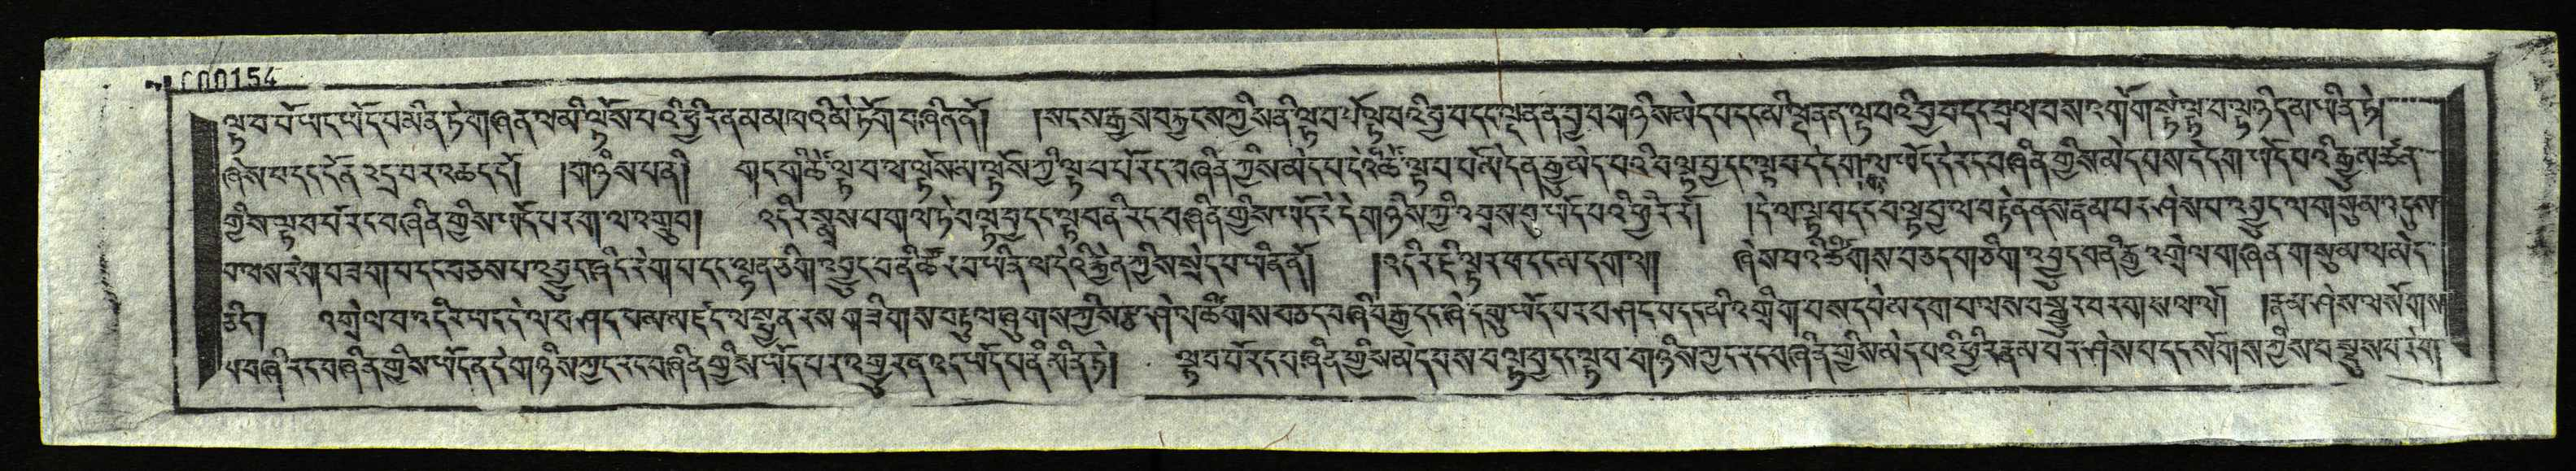ལྟ་བ་པོ་ཡང་ཡོད་པ་མིན་ཏེ་གཞན་ལ་མི་ལྟོས་པའི་ཕྱིར་ནམ་མཁའི་མེ་ཏོག་བཞིན་ནོ། །སངས་རྒྱས་བརྐྱངས་ཀྱིས་ནི་ལྟ་བ་པོ་ལྟ་བའི་བྱ་བ་དང་ལྡན་ན་བྱ་བ་གཉིས་མེད་པ་དང་མི་ལྡན་ན་ལྟ་བའི་བྱ་བ་དང་བྲལ་བས་འགོག་སྟེ་ལྟ་བ་ལྟ་ཉིད་མ་ཡིན་ཏེ།
ཞེས་པ་དང་དོན་འདྲ་བར་འཆད་དོ། །གཉིས་པ་ནི། གང་གི་ཚེ་ལྟ་བ་ལ་ལྟོས་མ་ལྟོས་ཀྱི་ལྟ་བ་པོ་རང་བཞིན་ཀྱིས་མེད་པ་དེའི་ཚེ་ལྟ་བ་པོ་མེད་ན་རྒྱུ་མེད་པའི་བལྟ་བྱ་དང་ལྟ་བ་དེ་དག་ལྷ་ཡོད་དེ་རང་བཞིན་གྱིས་མེད་པས་དེ་དག་ཡོད་པའི་རྒྱུ་མཚན་
གྱིས་ལྟ་བ་པོ་རང་བཞིན་གྱིས་ཡོད་པར་ག་ལ་འགྲུབ། འདིར་སྨྲས་པ་གལ་ཏེ་བལྟ་བྱ་དང་ལྟ་བ་ནི་རང་བཞིན་གྱིས་ཡོད་དེ་དེ་གཉིས་ཀྱི་འབྲས་བུ་ཡོད་པའི་ཕྱིར་རོ། །དེ་ལྟ་ལྟ་བ་དང་བལྟ་བྱ་ལ་བརྟེན་ནས་རྣམ་པར་ཤེས་པ་འབྱུང་ལ་གསུམ་འདུས་
པ་ལས་རེག་པ་ཟག་པ་དང་བཅས་པ་འབྱུང་ཞིང་རེག་པ་དང་ལྷན་ཅིག་འབྱུང་བ་ནི་ཚོར་བ་ཡིན་ལ་དེའི་རྐྱེན་ཀྱིས་སྲེད་པ་ཡིན་ནོ། །འདིར་ཇི་ལྟར་ཕ་དང་མ་དག་ལ། ཞེས་པའི་ཚིགས་བཅད་གཅིག་འབྱུང་བ་ནི་རྒྱ་འགྲེལ་གཞན་གསུམ་ལ་མེད་
ཅིང་། འགྲེལ་བ་འདིར་ཡང་དེ་ལ་བཤད་པ་མ་མཛད་ལ་སྤྱན་རས་གཟིགས་བརྟུལ་ཞུགས་ཀྱིས་རྩ་ཤེལ་ཚིགས་བཅད་བཞི་བརྒྱ་དང་ཞེ་དགུ་ཡོད་པར་བཤད་པ་དང་མི་འགྲིག་པས་དཔེ་མ་དག་པ་ལས་བསྒྱུར་བར་གསལ་ལོ། །རྣམ་ཤེས་ལ་སོགས་
པ་བཞི་རང་བཞིན་གྱིས་ཡོད་ན་དེ་གཉིས་ཀྱང་རང་བཞིན་གྱིས་ཡོད་པར་འགྱུར་ན་འང་ཡོད་པ་ནི་མིན་ཏེ། ལྟ་བ་པོ་རང་བཞིན་གྱིས་མེད་པས་བལྟ་བྱ་དང་ལྟ་བ་གཉིས་ཀྱང་རང་བཞིན་གྱིས་མེད་པའི་ཕྱིར་རྣམ་པར་ཤེས་པ་དང་སོགས་ཀྱིས་བསྡུས་པ་རེག་